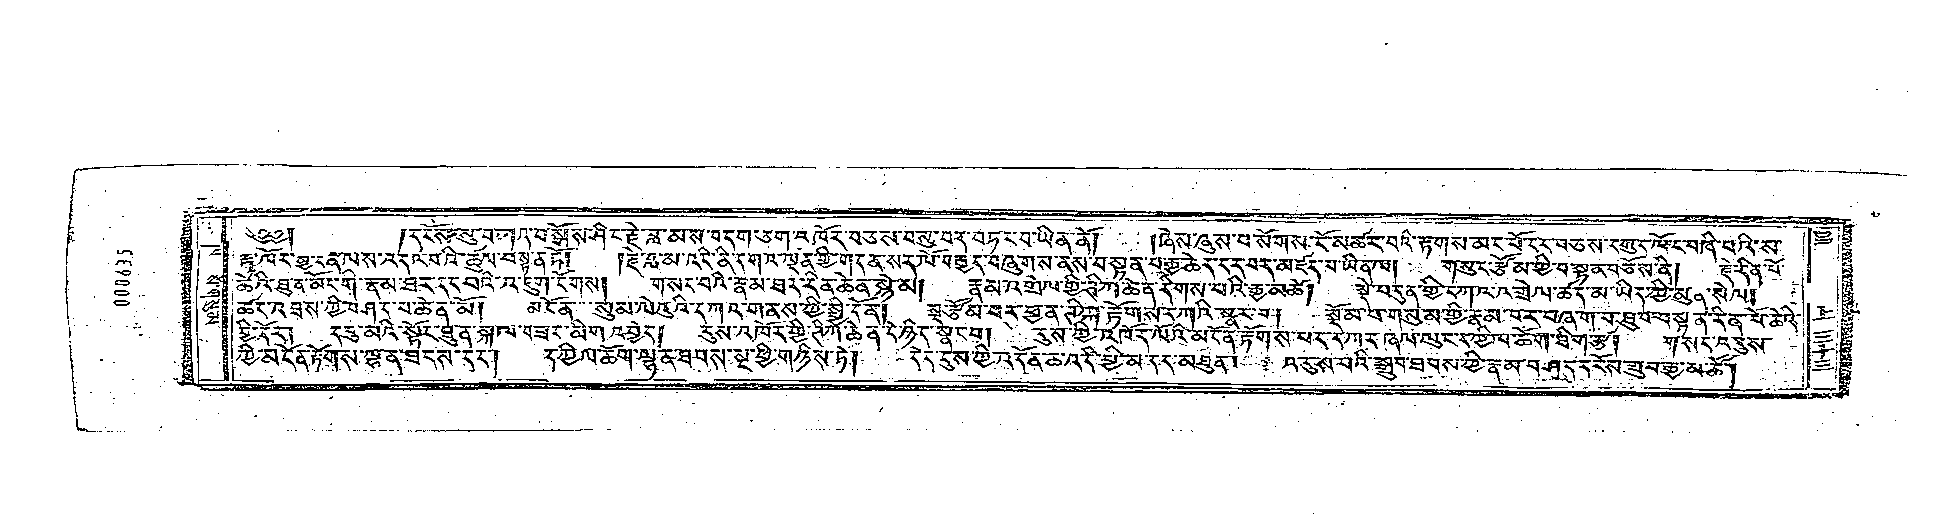༄༅། །དངོས་སུ་བཀའ་བསྒོས་ཤིང་རྗེ་བླ་མས་བདག་ཅག་འཁོར་བཅས་བསུ་བར་བཏང་བ་ཡིན་ནོ། །ཞེས་ཞུས་པ་སོགས་ངོ་མཚར་བའི་རྟགས་མང་པོ་དང་བཅས་དགུང་ལོང་བཞི་པའི་ས་
རྟ་ལོར་མྱ་ངན་ལས་འདའ་བའི་ཚུལ་བསྟན་ཏོ། །རྗེ་བླ་མ་འདི་ནི་དགའ་ལྡན་གྱི་གདན་སར་ལོ་བརྒྱད་བཞུགས་ནས་བསྟན་བ་རྒྱ་ཆེར་དར་བར་མཛད་པ་ཡིན་ལ། གསུང་རྩོམ་གྱི་བསྟན་བཅོས་ནི། རྗེ་རིན་པོ་
ཆེའི་ཐུན་མོང་གི་རྣམ་ཐར་དང་བའི་འཇུག་དོགས། གསང་བའི་རྣམ་ཐར་རིན་ཆེན་སྙེ་མ། རྣམ་འགྲེལ་གྱི་ཊིཀ་ཆེན་རིགས་པའི་རྒྱ་མཚོ། སྡེ་བདུན་གྱི་དཀའ་འགྲེལ་ཚད་མ་ཡིད་ཀྱི་མུན་སེལ།
ཚང་འབྲས་ཀྱི་བཤད་པ་ཆེན་མོ། མངོན་སུམ་ལེའུའི་དཀའ་གནས་ཀྱི་སྤྱི་དོན། སྔ་རྩོམ་བར་ཕྱིན་ཊིཀྐ་རྟོགས་དཀའི་སྣང་བ། སྡོམ་པ་གསུམ་གྱི་རྣམ་པར་བཞག་པ་ཐུབ་བསྟན་རིན་པོ་ཆེའི་
བྱི་དོར། དབུ་མའི་སྟོང་ཐུན་སྐལ་བཟང་མིག་འབྱེད། དུས་འཁོར་གྱི་ཊིཀ་ཆེན་དེ་ཉིད་སྣང་བ། དུས་ཀྱི་འཁོར་ལོའི་མངོན་རྟོགས་པད་དཀར་ཞལ་ལུང་དཀྱིལ་ཆོག་ཐིག་རྩ། གསང་འདུས་
ཀྱི་མངོན་རྟོགས་ལྷན་ཐབས་དང་། དཀྱིལ་ཆོག་ལྷན་ཐབས་སྔ་ཕྱི་གཉིས་ཏེ། དེད་དུས་ཀྱི་འདོན་ཆ་འདི་ཕྱི་མ་དང་མཐུན། འདུས་པའི་སྒྲུབ་ཐབས་ཀྱི་རྣམ་བཤད་དངོས་གྲུབ་རྒྱ་མཚོ།